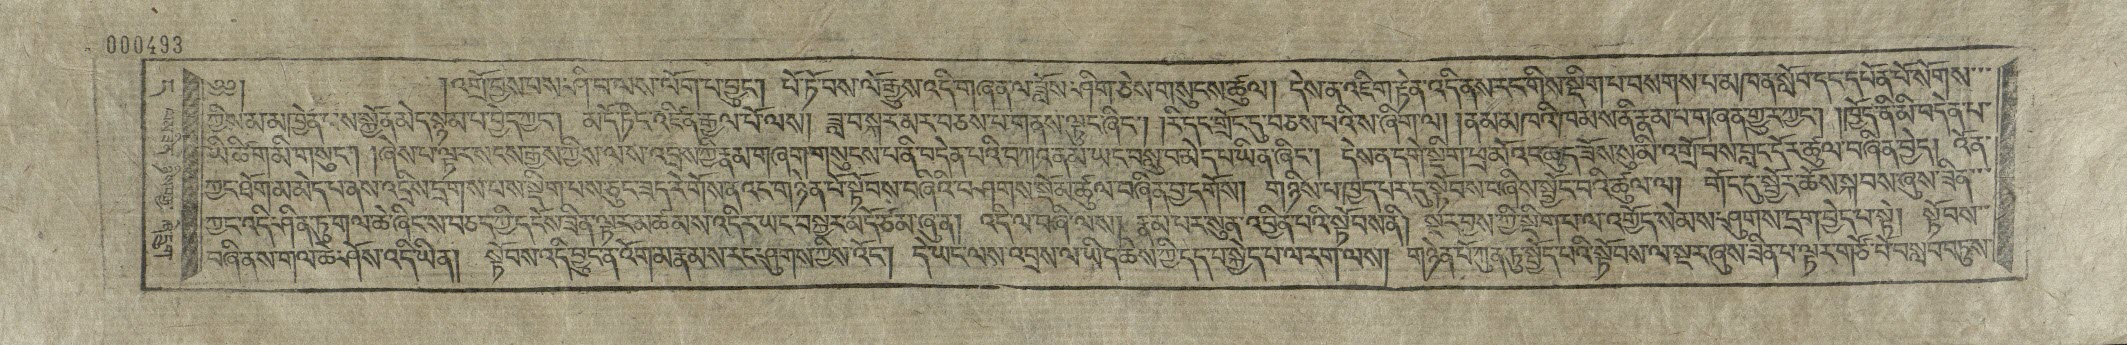༄༅། །འགྲོ་བྱས་པས་ཤི་བ་ལས་ལོག་པ་བྱུང་། པོ་ཏོ་བས་ལོ་རྒྱུས་འདི་གཞན་ལ་ཟློས་ཤིག་ཅེས་གསུངས་ཚུལ། དེས་ན་འཇིག་རྟེན་འདི་ནས་རང་གིས་སྡིག་པ་བསགས་པ་མཁན་སློབ་དང་དཔོན་པོ་སོགས་
ཀྱིས་མ་མཁྱེན་པས་སྐྱོན་མེད་སྙམ་པ་བྱེད་ཀྱང་། མདོ་ཏིང་འཛིན་རྒྱལ་པོ་ལས། ཟླ་བ་སྐར་མར་བཅས་པ་གནས་ལྟུང་ཞིང་། །རི་དང་གྲོང་དུ་བཅས་པའི་ས་ཞིག་ལ། །ནམ་མཁའི་ཁམས་ནི་རྣམ་པ་གཞན་གྱུར་ཀྱང་། །ཁྱོད་ནི་མི་བདེན་པ་
ཡི་ཚིག་མི་གསུང་། །ཞེས་པ་ལྟར་སངས་རྒྱས་ཀྱིས་ལས་འབྲས་ཀྱི་རྣམ་གཞག་གསུངས་པ་ནི་བདེན་པའི་བཀའ་ནམ་ཡང་བསླུ་བ་མེད་པ་ཡིན་ཞིང་། དེས་ན་དགེ་སྡིག་ཕྲ་མོའང་ཆུད་ཟོས་སུ་མི་འགྲོ་བས་བླང་དོར་ཚུལ་བཞིན་བྱེད། འོན་
ཀྱང་ཐོག་མ་མེད་པ་ནས་འདྲིས་དྲགས་པས་སྡིག་པས་ཅུང་ཟད་རེ་གོས་ནའང་གཉེན་པོ་སྟོབས་བཞིའི་བཤགས་སྡོམ་ཚུལ་བཞིན་བྱ་དགོས། གཉིས་པ་ཁྱད་པར་དུ་སྟོབས་བཞིས་སྦྱོང་བའི་ཚུལ་ལ། གོང་དུ་སྦྱོར་ཆོས་སྐབས་ཞུས་ཟིན་
ཀྱང་འདི་ཤིན་ཏུ་གལ་ཆེ་ཞིང་ས་བཅད་ཀྱི་དངོས་ཟིན་ལྟར་མཚམས་འདིར་ཡང་བསྐྱར་མདོ་ཙམ་ཞུ་ན། འདི་ལ་བཞི་ལས། རྣམ་པར་སུན་འབྱིན་པའི་སྟོབས་ནི། སྔར་བྱས་ཀྱི་སྡིག་པ་ལ་འགྱོད་སེམས་ཤུགས་དྲག་བྱེད་པ་སྟེ། སྟོབས་
བཞི་ནས་གལ་ཆེ་ཤོས་འདི་ཡིན། སྟོབས་འདི་བྱུང་ན་འོག་མ་རྣམས་རང་ཤུགས་ཀྱིས་འོང་། དེ་ཡང་ལས་འབྲས་ལ་ཡིད་ཆེས་ཀྱི་དད་པ་སྐྱེད་པ་ལ་རག་ལས། གཉེན་པོ་ཀུན་ཏུ་སྤྱོད་པའི་སྟོབས་ལ་སྔར་ཞུས་ཟིན་པ་ལྟར་གཙོ་བོ་བསླབ་བཏུས་